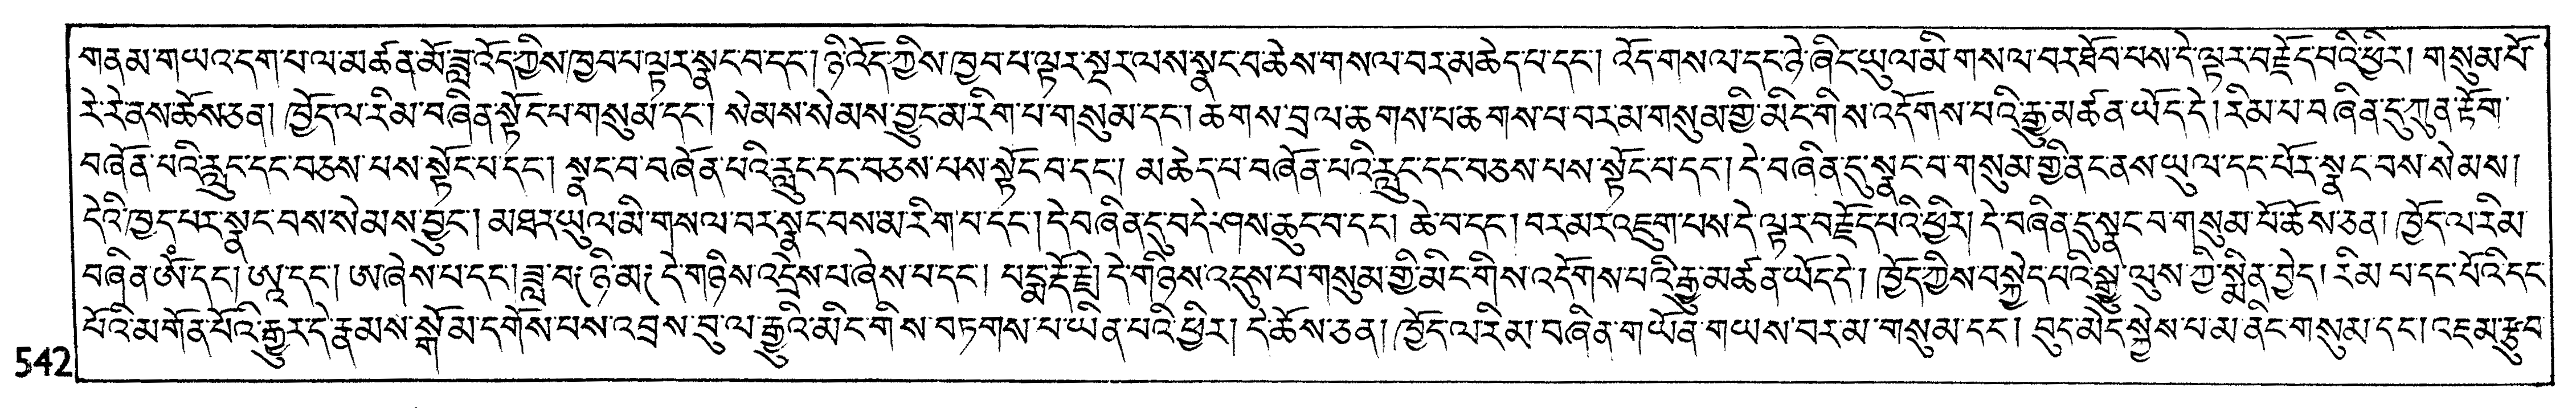གནམ་གཡའ་དག་པ་ལ་མཚན་མོ་ཟླ་འོད་ཀྱིས་ཁྱབ་པ་ལྟར་སྣང་བ་དང་། ཉི་འོད་ཀྱིས་ཁྱབ་པ་ལྟར་སྔར་ལས་སྣང་བ་ཆེས་གསལ་བར་མཆེད་པ་དང་། འོད་གསལ་དང་ཉེ་ཞིང་ཡུལ་མི་གསལ་བར་ཐོབ་པས་དེ་ལྟར་བརྗོད་པའི་ཕྱིར། གསུམ་པོ་
རེ་རེ་ནས་ཆོས་ཅན། ཁྱོད་ལ་རིམ་བཞིན་སྟོང་པ་གསུམ་དང་། སེམས་སེམས་བྱུང་མ་རིག་པ་གསུམ་དང་། ཆགས་བྲལ་ཆགས་པ་ཆགས་པ་བར་མ་གསུམ་གྱི་མིང་གིས་འདོགས་པའི་རྒྱུ་མཚན་ཡོད་དེ། རིམ་པ་བཞིན་དུ་ཀུན་རྟོག་
བཞོན་པའི་རླུང་དང་བཅས་པས་སྟོང་པ་དང་། སྣང་བ་བཞོན་པའི་རླུང་དང་བཅས་པས་སྟོང་བ་དང་། མཆེད་པ་བཞོན་པའི་རླུང་དང་བཅས་པས་སྟོང་པ་དང་། དེ་བཞིན་དུ་སྣང་བ་གསུམ་གྱི་ནང་ནས་ཡུལ་དང་པོར་སྣང་བས་སེམས།
དེའི་ཁྱད་པར་སྣང་བས་སེམས་བྱུང་། མཐར་ཡུལ་མི་གསལ་བར་སྣང་བས་མ་རིག་པ་དང་། དེ་བཞིན་དུ་བདེ་ཤས་ཆུང་བ་དང་། ཆེ་བ་དང་། བར་མར་འཇུག་པས་དེ་ལྟར་བརྗོད་པའི་ཕྱིར། དེ་བཞིན་དུ་སྣང་བ་གསུམ་པོ་ཆོས་ཅན། ཁྱོད་ལ་རིམ་
བཞིན་ཨོཾ་དང་། ཨཱ་དང་། ཨ་ཞེས་པ་དང་། ཟླ་བ༑ ཉི་མ༑ དེ་གཉིས་འདྲེས་པ་ཞེས་པ་དང་། པདམ་རྡོ་རྗེ། དེ་གཉིས་འདུས་པ་གསུམ་གྱི་མིང་གིས་འདོགས་པའི་རྒྱུ་མཚན་ཡོད་དེ། ཁྱོད་ཀྱིས་བསྐྱེད་པའི་སྒྱུ་ལུས་ཀྱི་སྨིན་བྱེད། རིམ་པ་དང་པོའི་དང་
པོའི་མགོན་པོའི་རྒྱུར་དེ་རྣམས་སྒོམ་དགོས་པས་འབྲས་བུ་ལ་རྒྱུའི་མིང་གིས་བཏགས་པ་ཡིན་པའི་ཕྱིར། དེ་ཆོས་ཅན། ཁྱོད་ལ་རིམ་བཞིན་གཡོན་གཡས་བར་མ་གསུམ་དང་། བུད་མེད་སྐྱེས་པ་མ་ནིང་གསུམ་དང་། འཇམ་རྩུབ་